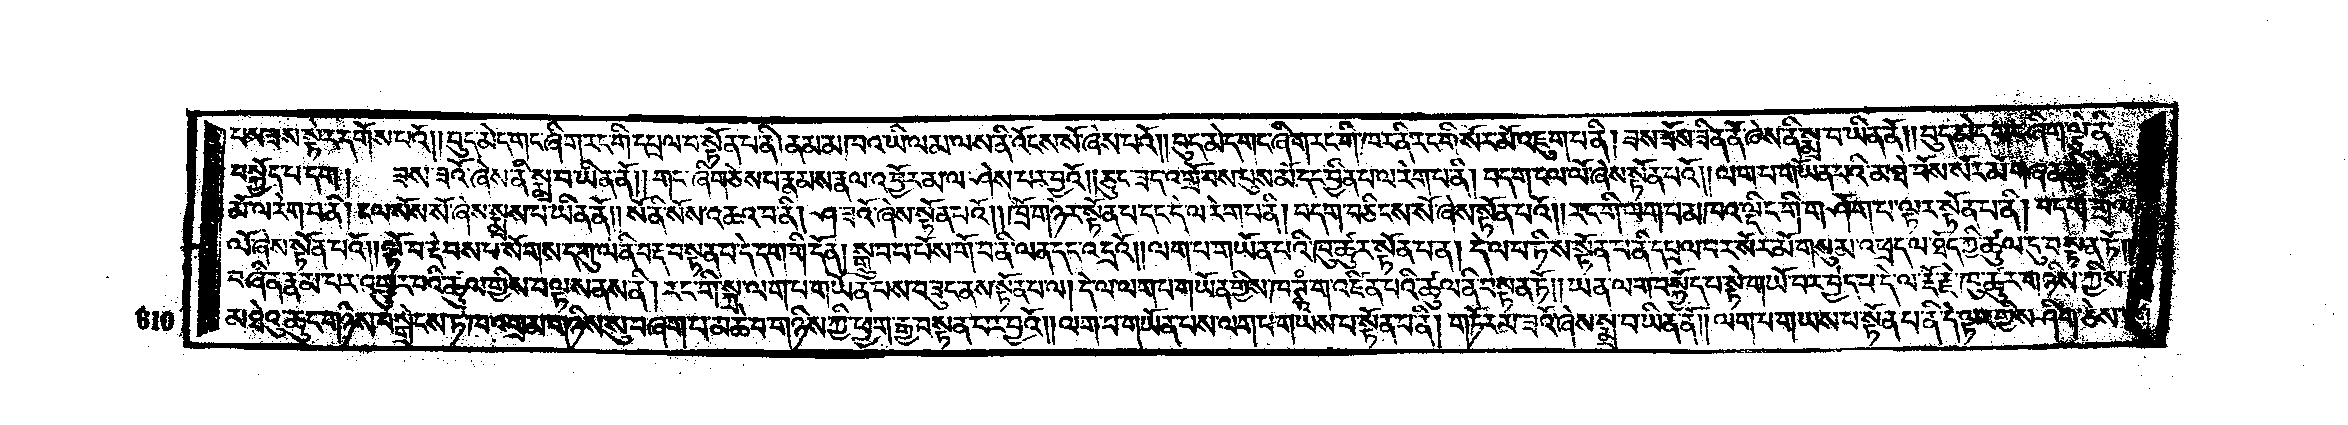པས་ཟས་སྟེར་དགོས་པའོ། །བུད་མེད་གང་ཞིག་རང་གི་དཔྲལ་བ་སྟོན་པ་ནི། ནམ་མཁའ་ཡི་ལམ་ལས་ནི་འོངས་སོ་ཞེས་པའོ། །བུད་མེད་གང་ཞིག་རང་གི་ཁར་ནི་རང་གི་སོར་མོ་འཇུག་པ་ནི། ཟས་ཟོས་ཟིན་ནོ་ཞེས་ནི་སྨྲ་བ་ཡིན་ནོ། །བུད་མེད་གང་ཞིག་ལྕེ་ནི་
བསྐྱོད་པ་དག །ཟས་ཟའོ་ཞེས་ནི་སྨྲ་བ་ཡིན་ནོ། །གང་ཞིག་ཅེས་པ་རྣམས་རྣལ་འབྱོར་མ་ལ་ཤེས་པར་བྱའོ། །ཅུང་ཟད་འགྲོ་བས་པུས་མོ་དང་བྱིན་པ་ལ་རེག་པ་ནི། བདག་ངལ་ལོ་ཞེས་སྟོན་པའོ། །ལག་པ་གཡོན་པའི་མཐེ་བོས་སོར་མོ་གཞན་གྱི་རྩེ་
མོ་ལ་རེག་པ་ནི། ངལ་སོས་སོ་ཞེས་སྨྲས་པ་ཡིན་ནོ། །སོ་ནི་སོས་འཆའ་བ་ནི། ཤ་ཟའོ་ཞེས་སྟོན་པའོ། །ཁྲོ་གཉེར་སྟོན་པ་དང་དེ་ལ་རེག་པ་ནི། བདག་བཅིངས་སོ་ཞེས་སྟོན་པའོ། །རང་གི་ལག་པ་མཁའ་ལྡིང་གི་གཤོག་པ་ལྟར་སྟོན་པ་ནི། བདག་གྲོལ་
ལོ་ཞེས་སྟོན་པའོ། །ལྟོ་བ་རྡེབས་པ་སོགས་དགུ་ལ་ནི་བརྡ་བསྟན་པ་དེ་དག་གི་དོན། སྒྲུབ་པ་པོས་གོ་བ་ནི་ལན་དང་འདྲའོ། །ལག་པ་གཡོན་པའི་ཁུ་ཚུར་སྟོན་པ་ན། དེ་ལ་པ་ཏི་ས་སྟོན་པ་ནི་དཔྲལ་བར་སོར་མོ་གསུམ་འཕྲད་ལ་ཐོད་ཀྱི་ཚུལ་དུ་བསྟན་ཏོ། །
བཞིན་རྣམ་པར་འགྱུར་བའི་ཚུལ་གྱིས་བལྟས་ནས་ནི། རང་གི་སྐྲ་ལག་པ་གཡོན་པས་བཟུང་ནས་སྟོན་པ་ལ། དེ་ལ་ལག་པ་གཡོན་གྱིས་ཁ་ཊཝའཾ་ག་འཛིན་པའི་ཚུལ་ནི་བསྟན་ཏོ། །ཡན་ལག་བསྐྱོད་པ་སྟེ་གཡོ་བར་བྱེད་པ་དེ་ལ་རྡོ་རྗེ་ཁུ་ཚུར་གཉིས་ཀྱིས་
མཐེའུ་ཆུང་གཉིས་བསྒྲེངས་ཏེ་ཁ་འགྲམ་གཉིས་སུ་བཞག་པ་མཆེ་བ་གཉིས་ཀྱི་ཕྱག་རྒྱ་བསྟན་པར་བྱའོ། །ལག་པ་གཡོན་པས་ལག་པ་གཡས་པ་སྟོན་པ་ནི། གཏོར་མ་ཟའོ་ཞེས་སྨྲ་བ་ཡིན་ནོ། །ལག་པ་གཡས་པ་སྟོན་པ་ནི་དེ་ལྟར་གྱིས་ཤིག་ཅེས་